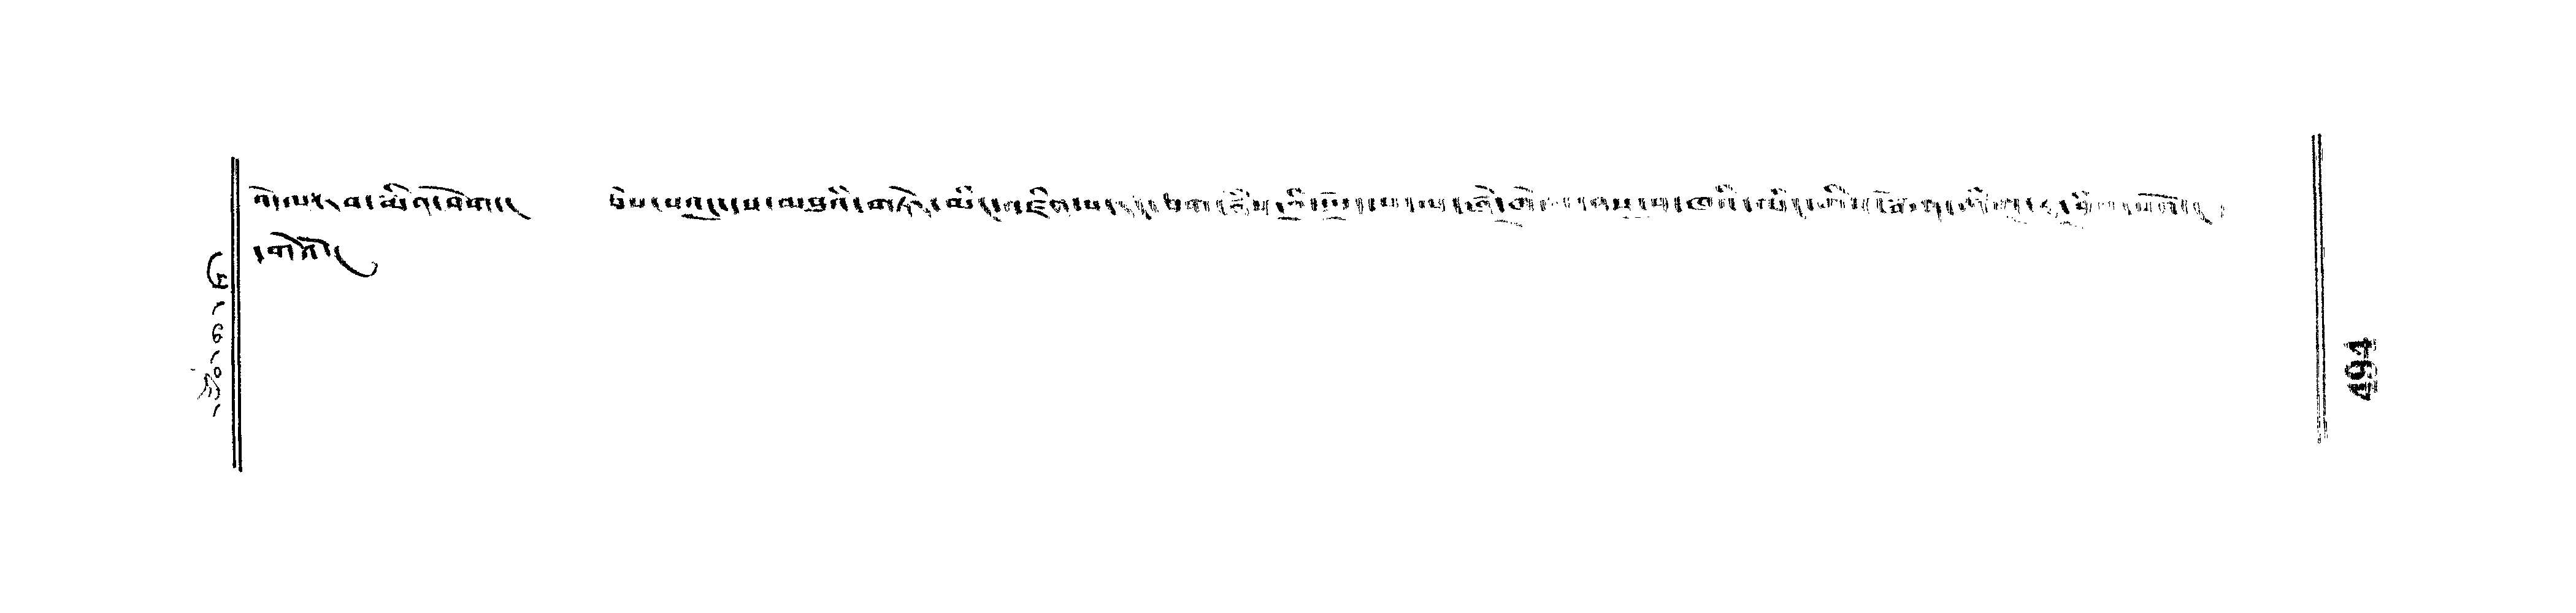འོད་གསལ་རབ་སྨིན་ཤོག ཅེས་པའང་དུས་མཐའི་གཏེར་མིང་འཛིན་པ་རང་ཅག་རྣམས་ཀྱི་སྤྱོད་པ་ལ་ཞེ་ཁྲེལ་ནས་སུ་ཁའི་མིང་གིས་སྨོན་ཚིག་ཏུ་བྲིས་པའོ།། 
དགེའོ།།